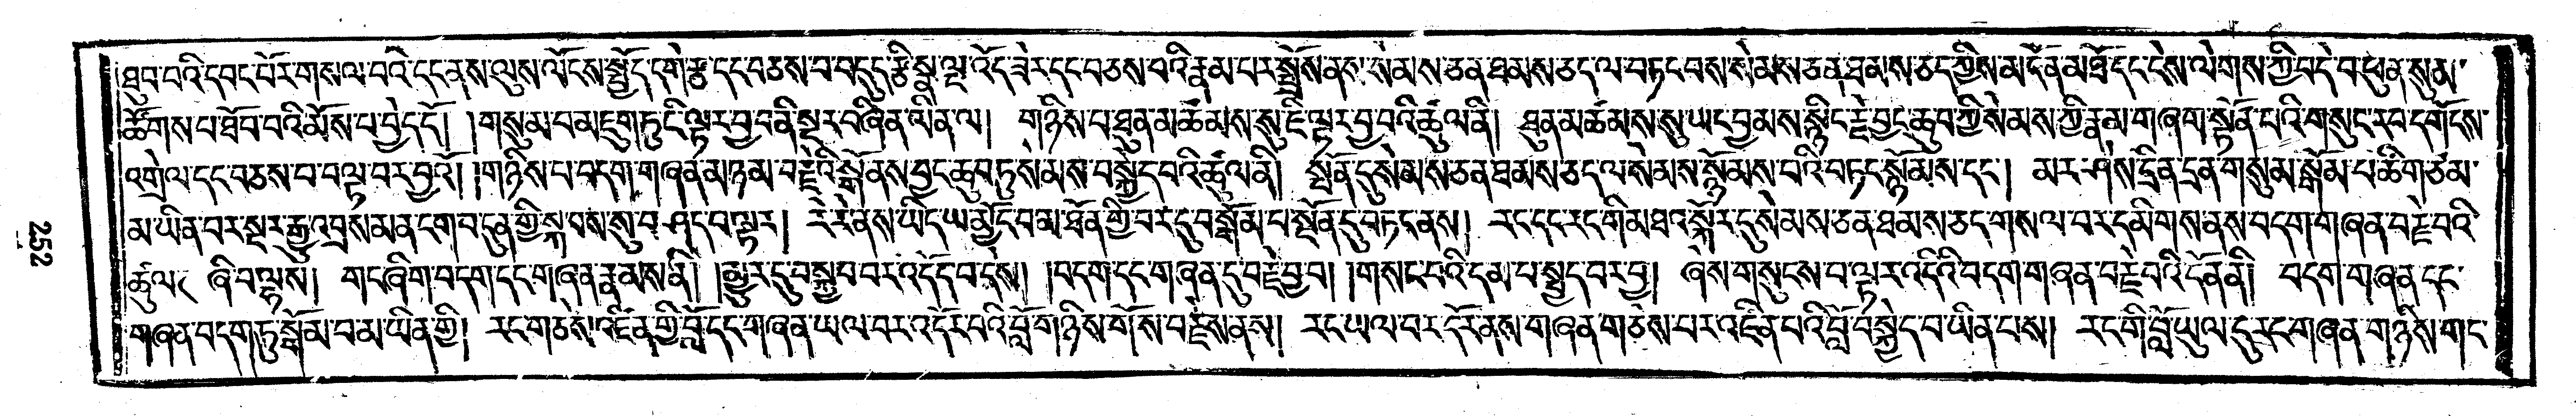ཐུབ་པའི་དབང་པོར་གསལ་བའི་དང་ནས་ལུས་ལོངས་སྤྱོད་དགེ་རྩ་དང་བཅས་བ་བདུད་རྩི་སྣ་ལྔ་འོད་ཟེར་དང་བཅས་པའི་རྣམ་པར་སྤྲོས་ནས་སེམས་ཅན་ཐམས་ཅད་ལ་བཏང་བས་སེམས་ཅན་ཐམས་ཅད་ཀྱིས་མངོན་མཐོ་དང་ངེས་ལེགས་ཀྱི་བདེ་བ་ཕུན་སུམ་
ཚོགས་པ་ཐོབ་པའི་མོས་པ་བྱེད་དོ། །གསུམ་པ་མཇུག་ཏུ་ཇི་ལྟར་བྱ་བ་ནི་སྔར་བཞིན་ལིན་ལ། གཉིས་པ་ཐུན་མཚམས་སུ་ཇི་ལྟར་བྱ་བའི་ཚུལ་ནི། ཐུན་མཚམས་སུ་ཡང་བྱམས་སྙིང་རྗེ་བྱང་ཆུབ་ཀྱི་སེམས་ཀྱི་རྣམ་གཞག་སྟོན་པའི་གསུང་རབ་དགོངས་
འགྲེལ་དང་བཅས་པ་བལྟ་བར་བྱའོ། །གཉིས་པ་བདག་གཞན་མཉམ་བརྗེའི་སྒོ་ནས་བྱང་ཆུབ་ཏུ་སེམས་བསྐྱེད་པའི་ཚུལ་ནི། སྤོན་དུ་སེམས་ཅན་ཐམས་ཅད་ལ་སེམས་སྙོམས་པའི་བཏང་སྙོམས་དང་། མར་ཤེས་དྲིན་དྲན་གསུམ་སྒོམ་པ་ཚིག་ཙམ་
མ་ཡིན་པར་སྔར་རྒྱུ་འབྲས་མན་ངག་བ་དུན་གྱི་སྐབས་སུ་བཤད་པ་ལྟར། རེ་རེ་ནས་ཡིད་ཡ་མྱོང་བ་མ་ཐོན་གྱི་བར་དུ་བསྒོམ་པ་སྔོན་དུ་བཏང་ནས། རང་དང་རང་གི་མཐའ་སྐོར་དུ་སེམས་ཅན་ཐམས་ཅད་གསལ་བར་དམིགས་ནས་བདག་གཞན་བརྗེ་བའི་
ཚུལ༑ ཞི་བ་ལྷས། གང་ཞིག་བདག་དང་གཞན་རྣམས་ནི། །མྱུར་དུ་བསྐྱབ་པར་འདོད་པ་དེས། །བདག་དང་གཞན་དུ་བརྗེ་བྱ་བ། །གསང་བའི་དམ་པ་སྤྱད་བར་བྱ། ཞེས་གསུངས་བ་ལྟར་འདིའི་བདག་གཞན་བརྗེ་བའི་དོན་ནི། བདག་གཞན་དང་
གཞན་བདག་ཏུ་སྒོམ་བ་མ་ཡིན་གྱི། རང་གཅེས་འཛིན་གྱི་བློ་དང་གཞན་ཡལ་བར་འདོར་བའི་བློ་གཉིས་གོ་ས་བརྗེས་ནས། རང་ཡལ་བར་དོར་ནས་གཞན་གཅེས་པར་འཛིན་པའི་བློ་བསྐྱེད་པ་ཡིན་པས། རང་གི་བློ་ཡུལ་དུ་རང་གཞན་གཉིས་གང་